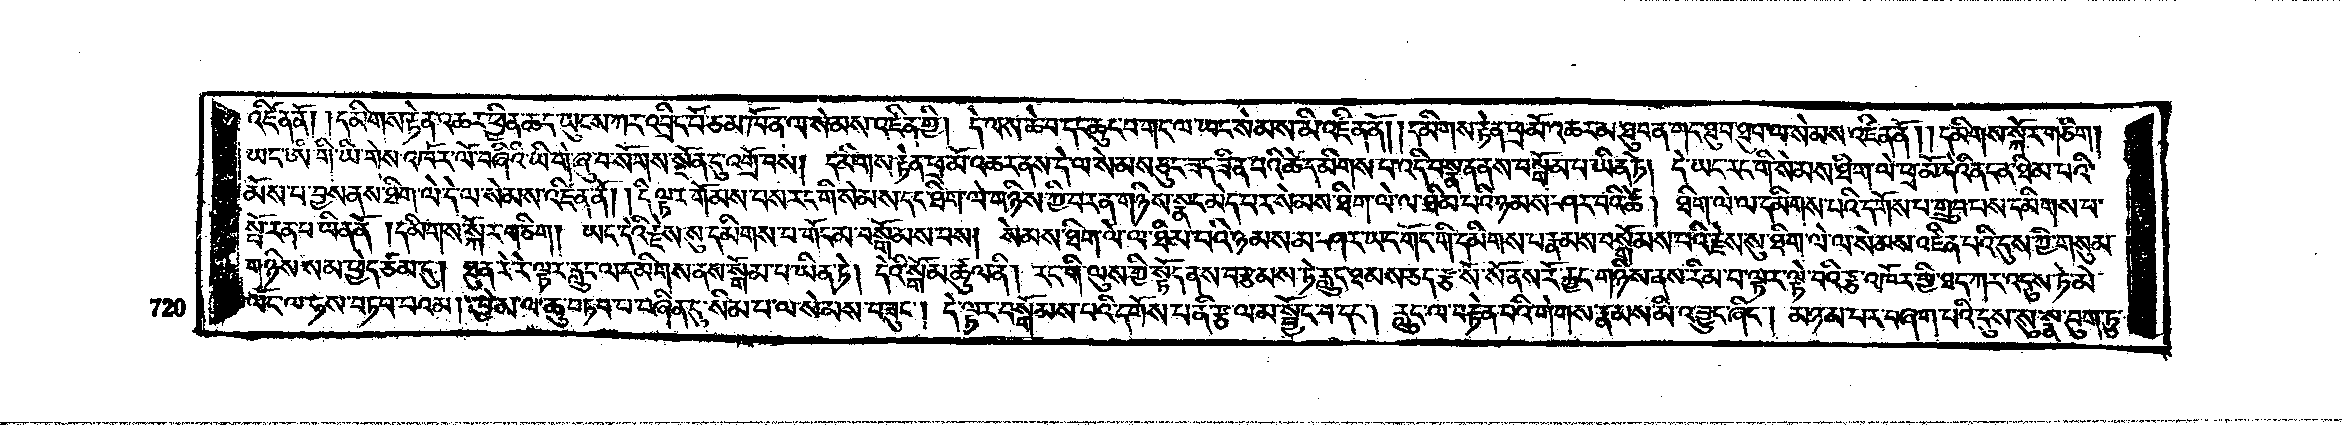འཛིན་ནོ། །དམིགས་རྟེན་འཆར་ཕྱིན་ཆད་ཡུངས་ཀར་འབྲིང་པོ་ཙམ་ཁོ་ན་ལ་སེམས་འཛིན་གྱི། དེ་ལས་ཆེ་བ་དང་ཆུང་བ་གང་ལ་ཡང་སེམས་མི་འཛིན་ནོ། །དམིགས་རྟེན་ཕྲ་མོ་འཆར་མ་ཐུབ་ན་གང་ཐུབ་ཐུབ་ལ་སེམས་འཛིན་ནོ། །དམིགས་སྐོར་གཅིག།
ཡང་ཨཾ་གི་ཡི་གེས་འཁོར་ལོ་བཞིའི་ཡི་གེ་ཞུ་བ་སོགས་སྔོན་དུ་འགྲོ་བས། དམིགས་རྟེན་ཕྲ་མོ་འཆར་ནས་དེ་ལ་སེམས་ཅུང་ཟད་ཟིན་པའི་ཚེ་དམིགས་པ་འདི་བསྣན་ནས་བསྒོམ་པ་ཡིན་ཏེ། དེ་ཡང་རང་གི་སེམས་ཐིག་ལེ་ཕྲ་མོ་དེའི་ནང་ན་ཐིམ་པའི་
མོས་པ་བྱས་ནས་ཐིག་ལེ་དེ་ལ་སེམས་འཛིན་ནོ། །དེ་ལྟར་གོམས་པས་རང་གི་སེམས་དང་ཐིག་ལེ་གཉིས་ཀྱི་བར་ན་གཉིས་སྣང་མེད་པར་སེམས་ཐིག་ལེ་ལ་ཐིམ་པའི་ཉམས་ཤར་བའི་ཚེ། ཐིག་ལེ་ལ་དམིགས་པའི་དགོས་པ་གྲུབ་པས་དམིགས་པ་
སྤོ་རན་པ་ཡིན་ནོ། དམིགས་སྐོར་གཅིག །ཡང་དེའི་རྗེས་སུ་དམིགས་པ་གོང་མ་བསྒོམས་པས། སེམས་ཐིག་ལེ་ལ་ཐིམ་པའི་ཉམས་མ་ཤར་ཡང་གོང་གི་དམིགས་པ་རྣམས་བསྒོམས་པའི་རྗེས་སུ་ཐིག་ལེ་ལ་སེམས་འཛིན་པའི་དུས་ཀྱི་གསུམ་
གཉིས་སམ་ཕྱེད་ཙམ་དུ། ཐུན་རེ་རེ་ལྟར་རླུང་ལ་དམིགས་ནས་སྒོམ་པ་ཡིན་ཏེ། དེའི་སྒོམ་ཚུལ་ནི། རང་གི་ལུས་ཀྱི་སྟོད་ནས་བརྩམས་ཏེ་རླུང་ཐམས་ཅད་རྩ་སོ་སོ་ནས་རོ་རྐྱང་གཉིས་ནས་རིམ་པ་ལྟར་ལྟེ་བའི་རྩ་འཁོར་གྱི་ཐད་ཀར་འདུས་ཏེ་མེ་
ལོང་ལ་ཧས་བཏབ་པའམ། བྱེ་མ་ལ་ཆུ་བཏབ་པ་བཞིན་དུ་སིམ་པ་ལ་སེམས་བཟུང་། དེ་ལྟར་བསྒོམས་པའི་དགོས་པ་ནི་རྩ་ལམ་སྦྱོང་བ་དང་། རླུང་ལ་བརྟེན་པའི་གེགས་རྣམས་མི་འབྱུང་ཞིང་། མཉམ་པར་བཞག་པའི་དུས་སུ་སྣ་བུག་ཏུ་